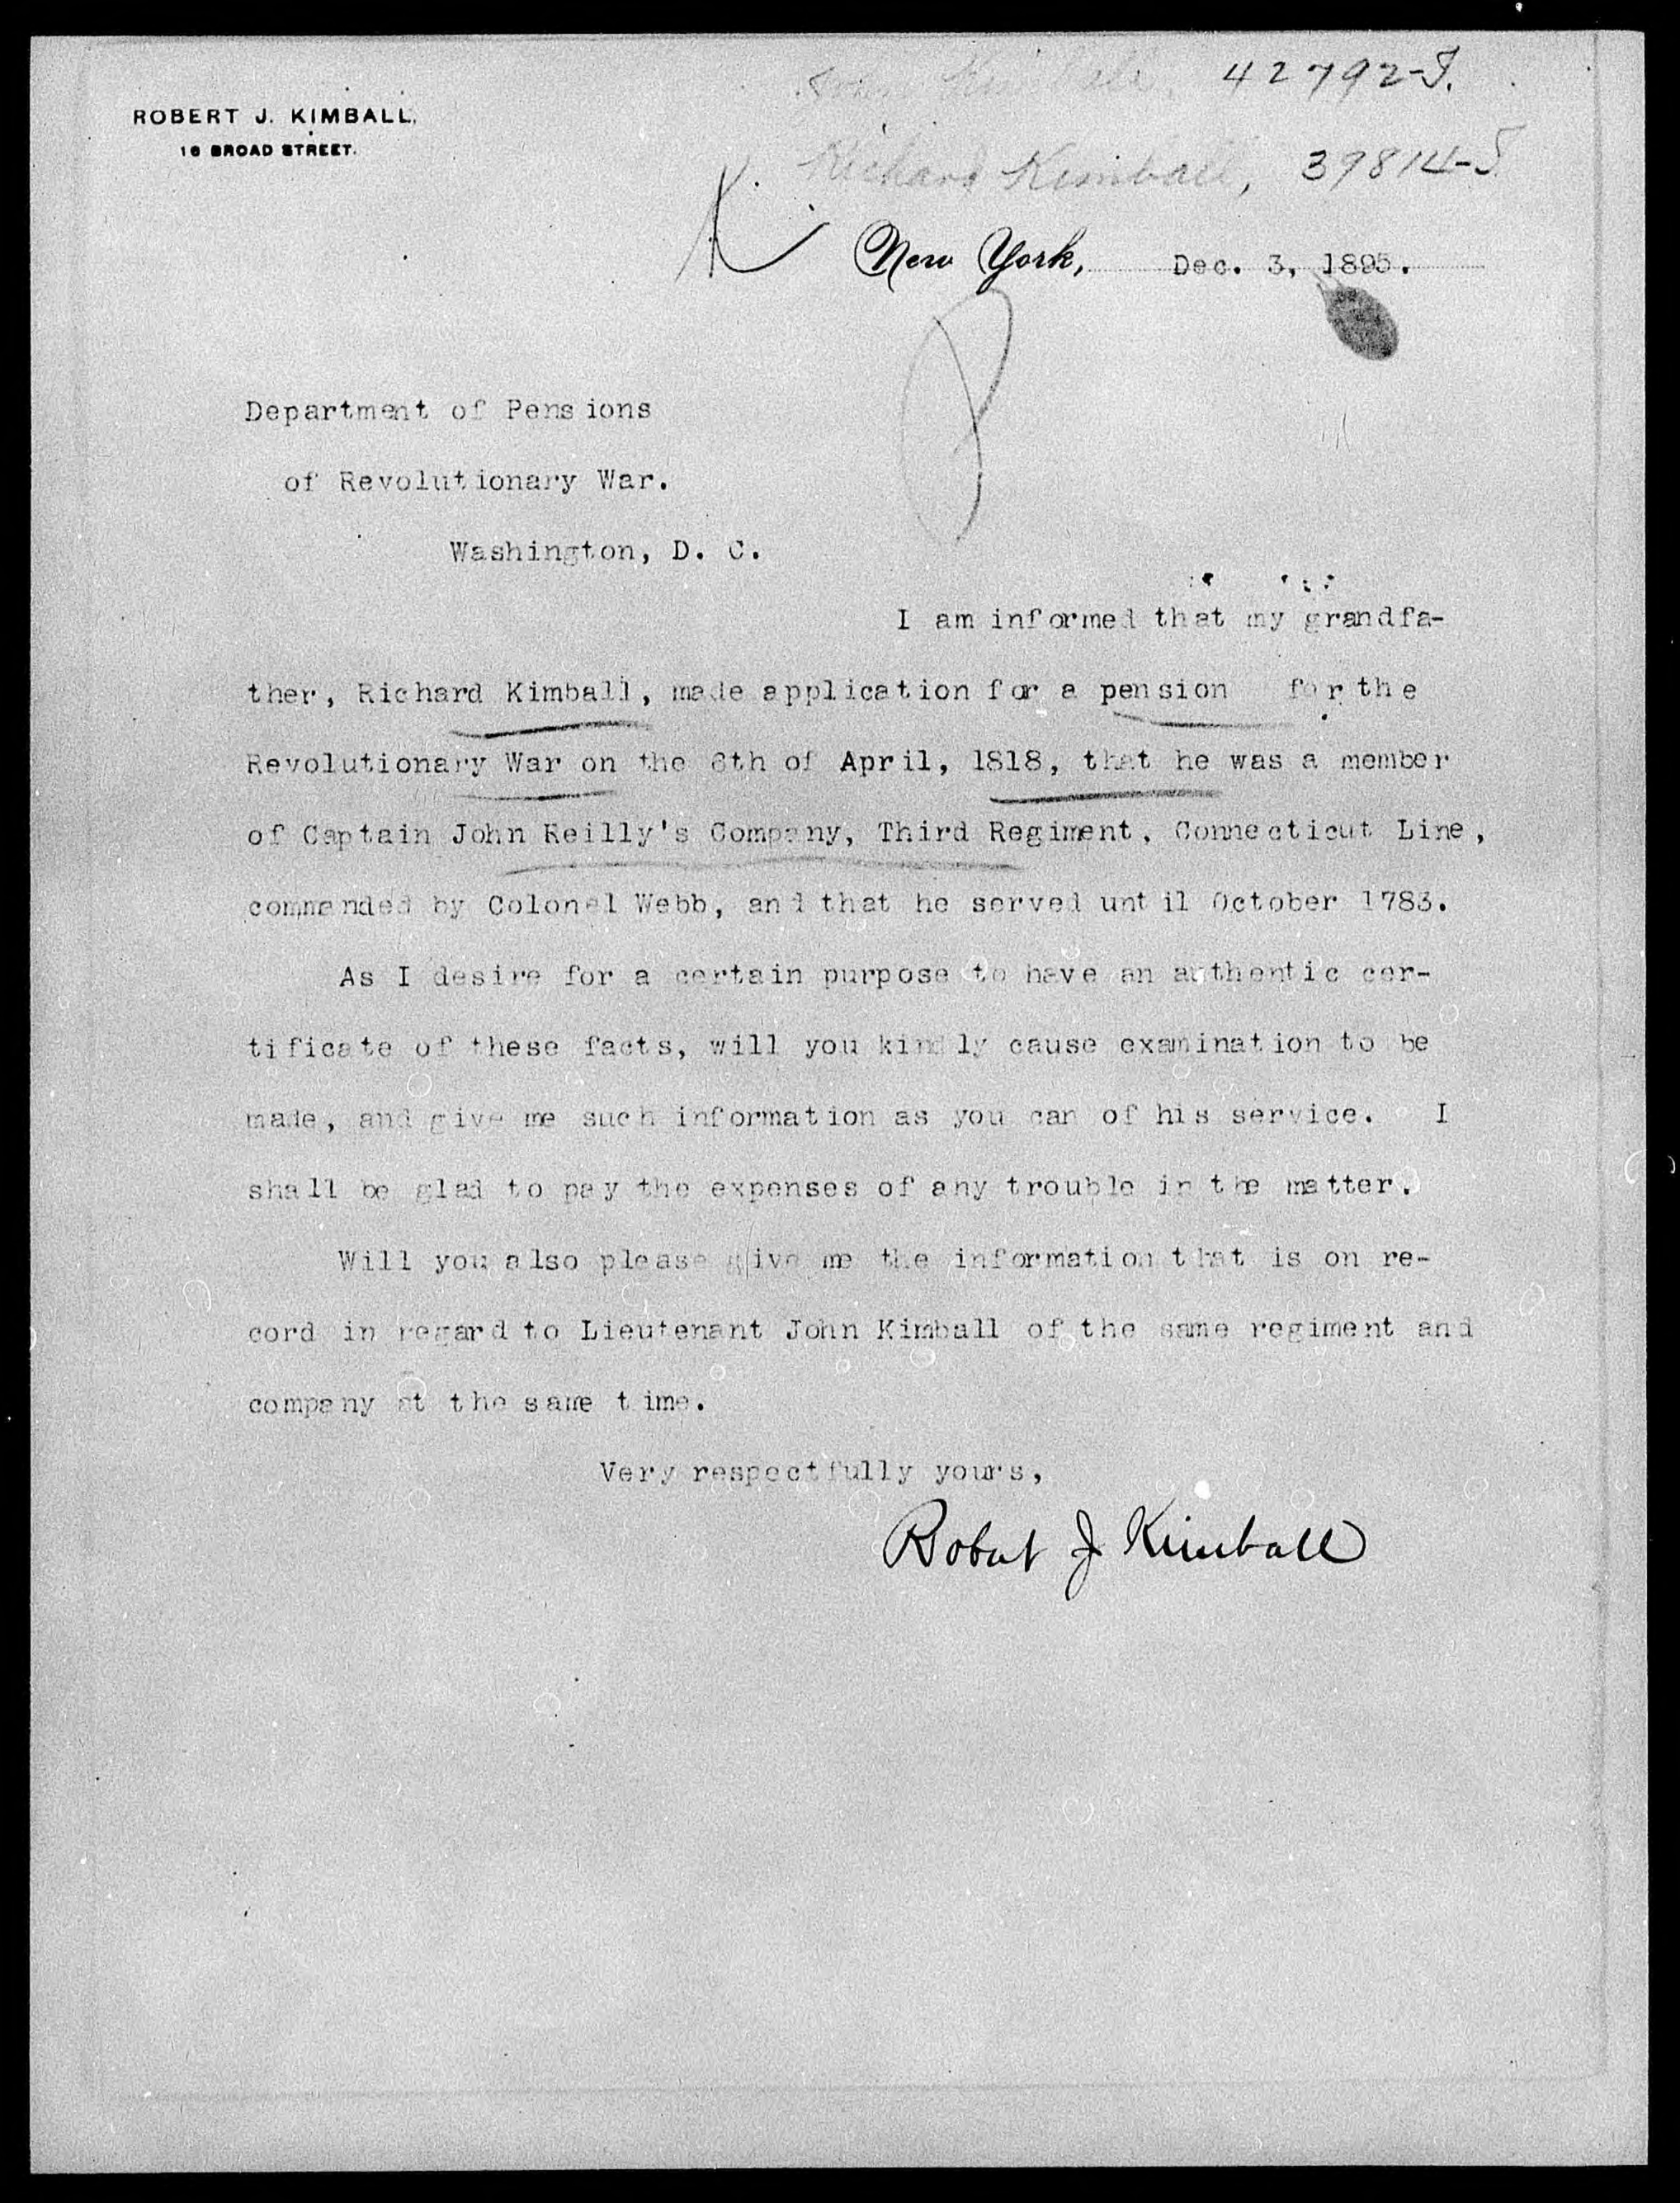Robert J. Kimball
16 Broad Street.

John Kimball. 42792-J.
Richard Kimball, 39814-J.

New York, Dec. 3, 1895.

Department of Pensions
of Revolutionary War.
Washington, D. C.

I am informed that my grandfather, Richard Kimball, made application for a pension for the Revolutionary War on the 8th of April, 1818, that he was a member of Captain John Reilly's Company, Third Regiment, Connecticut Line, commanded by Colonel Webb, and that he served until October 1783.
As I desire for a certain purpose to have an authentic certificate of these facts, will you kindly cause examination to be made, and give me such information as you can of his service. I shall be glad to pay the expenses of any trouble in the matter.
Will you also please give me the information that is on record in regard to Lieutenant John Kimball of the same regiment and company at the same time.
Very respectfully yours,
Robert J. Kimball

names: John Kimball; [BLANK] Webb; Richard Kimball; Robert J Kimball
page: 28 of 36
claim: survivor's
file: S. 42,792, for John Kimball, Connecticut